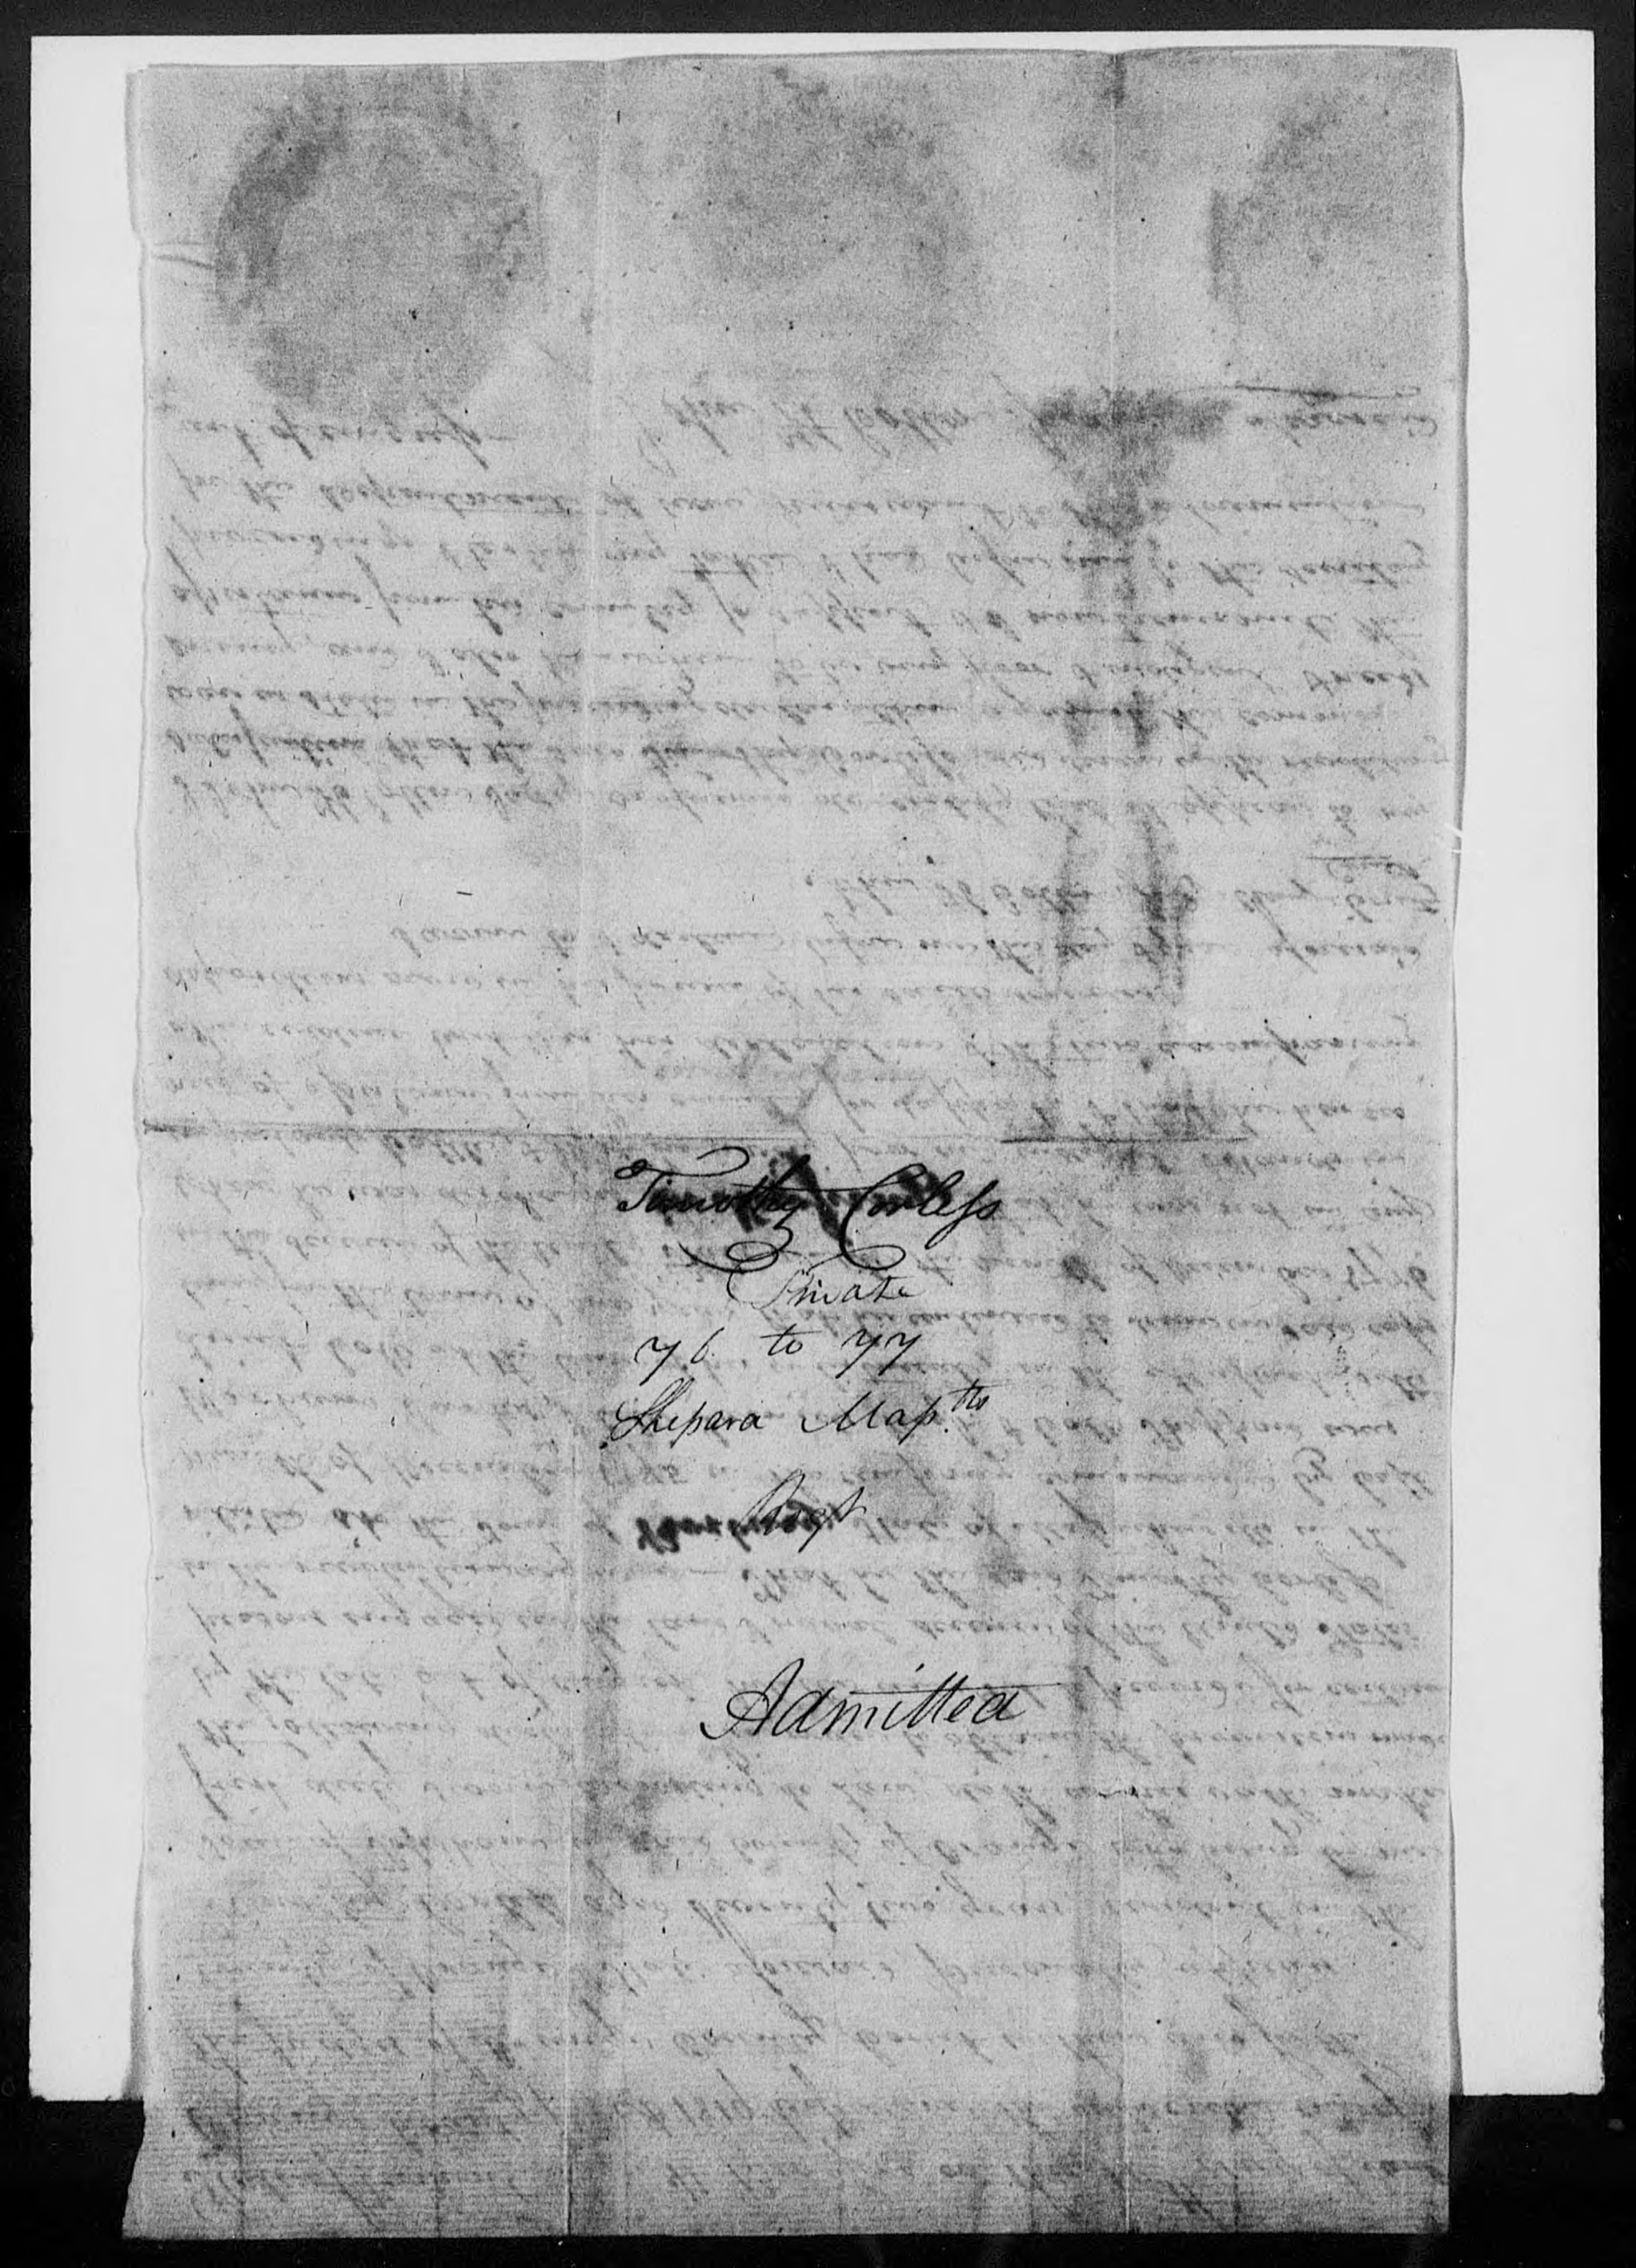Timothy Corless Private [[17]76 to [17]77Shepard Massachusetts. 
Admitted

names: Timothy Corless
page: 4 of 34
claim: widow's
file: W. 20,896, Timothy Corless, Continental Mass